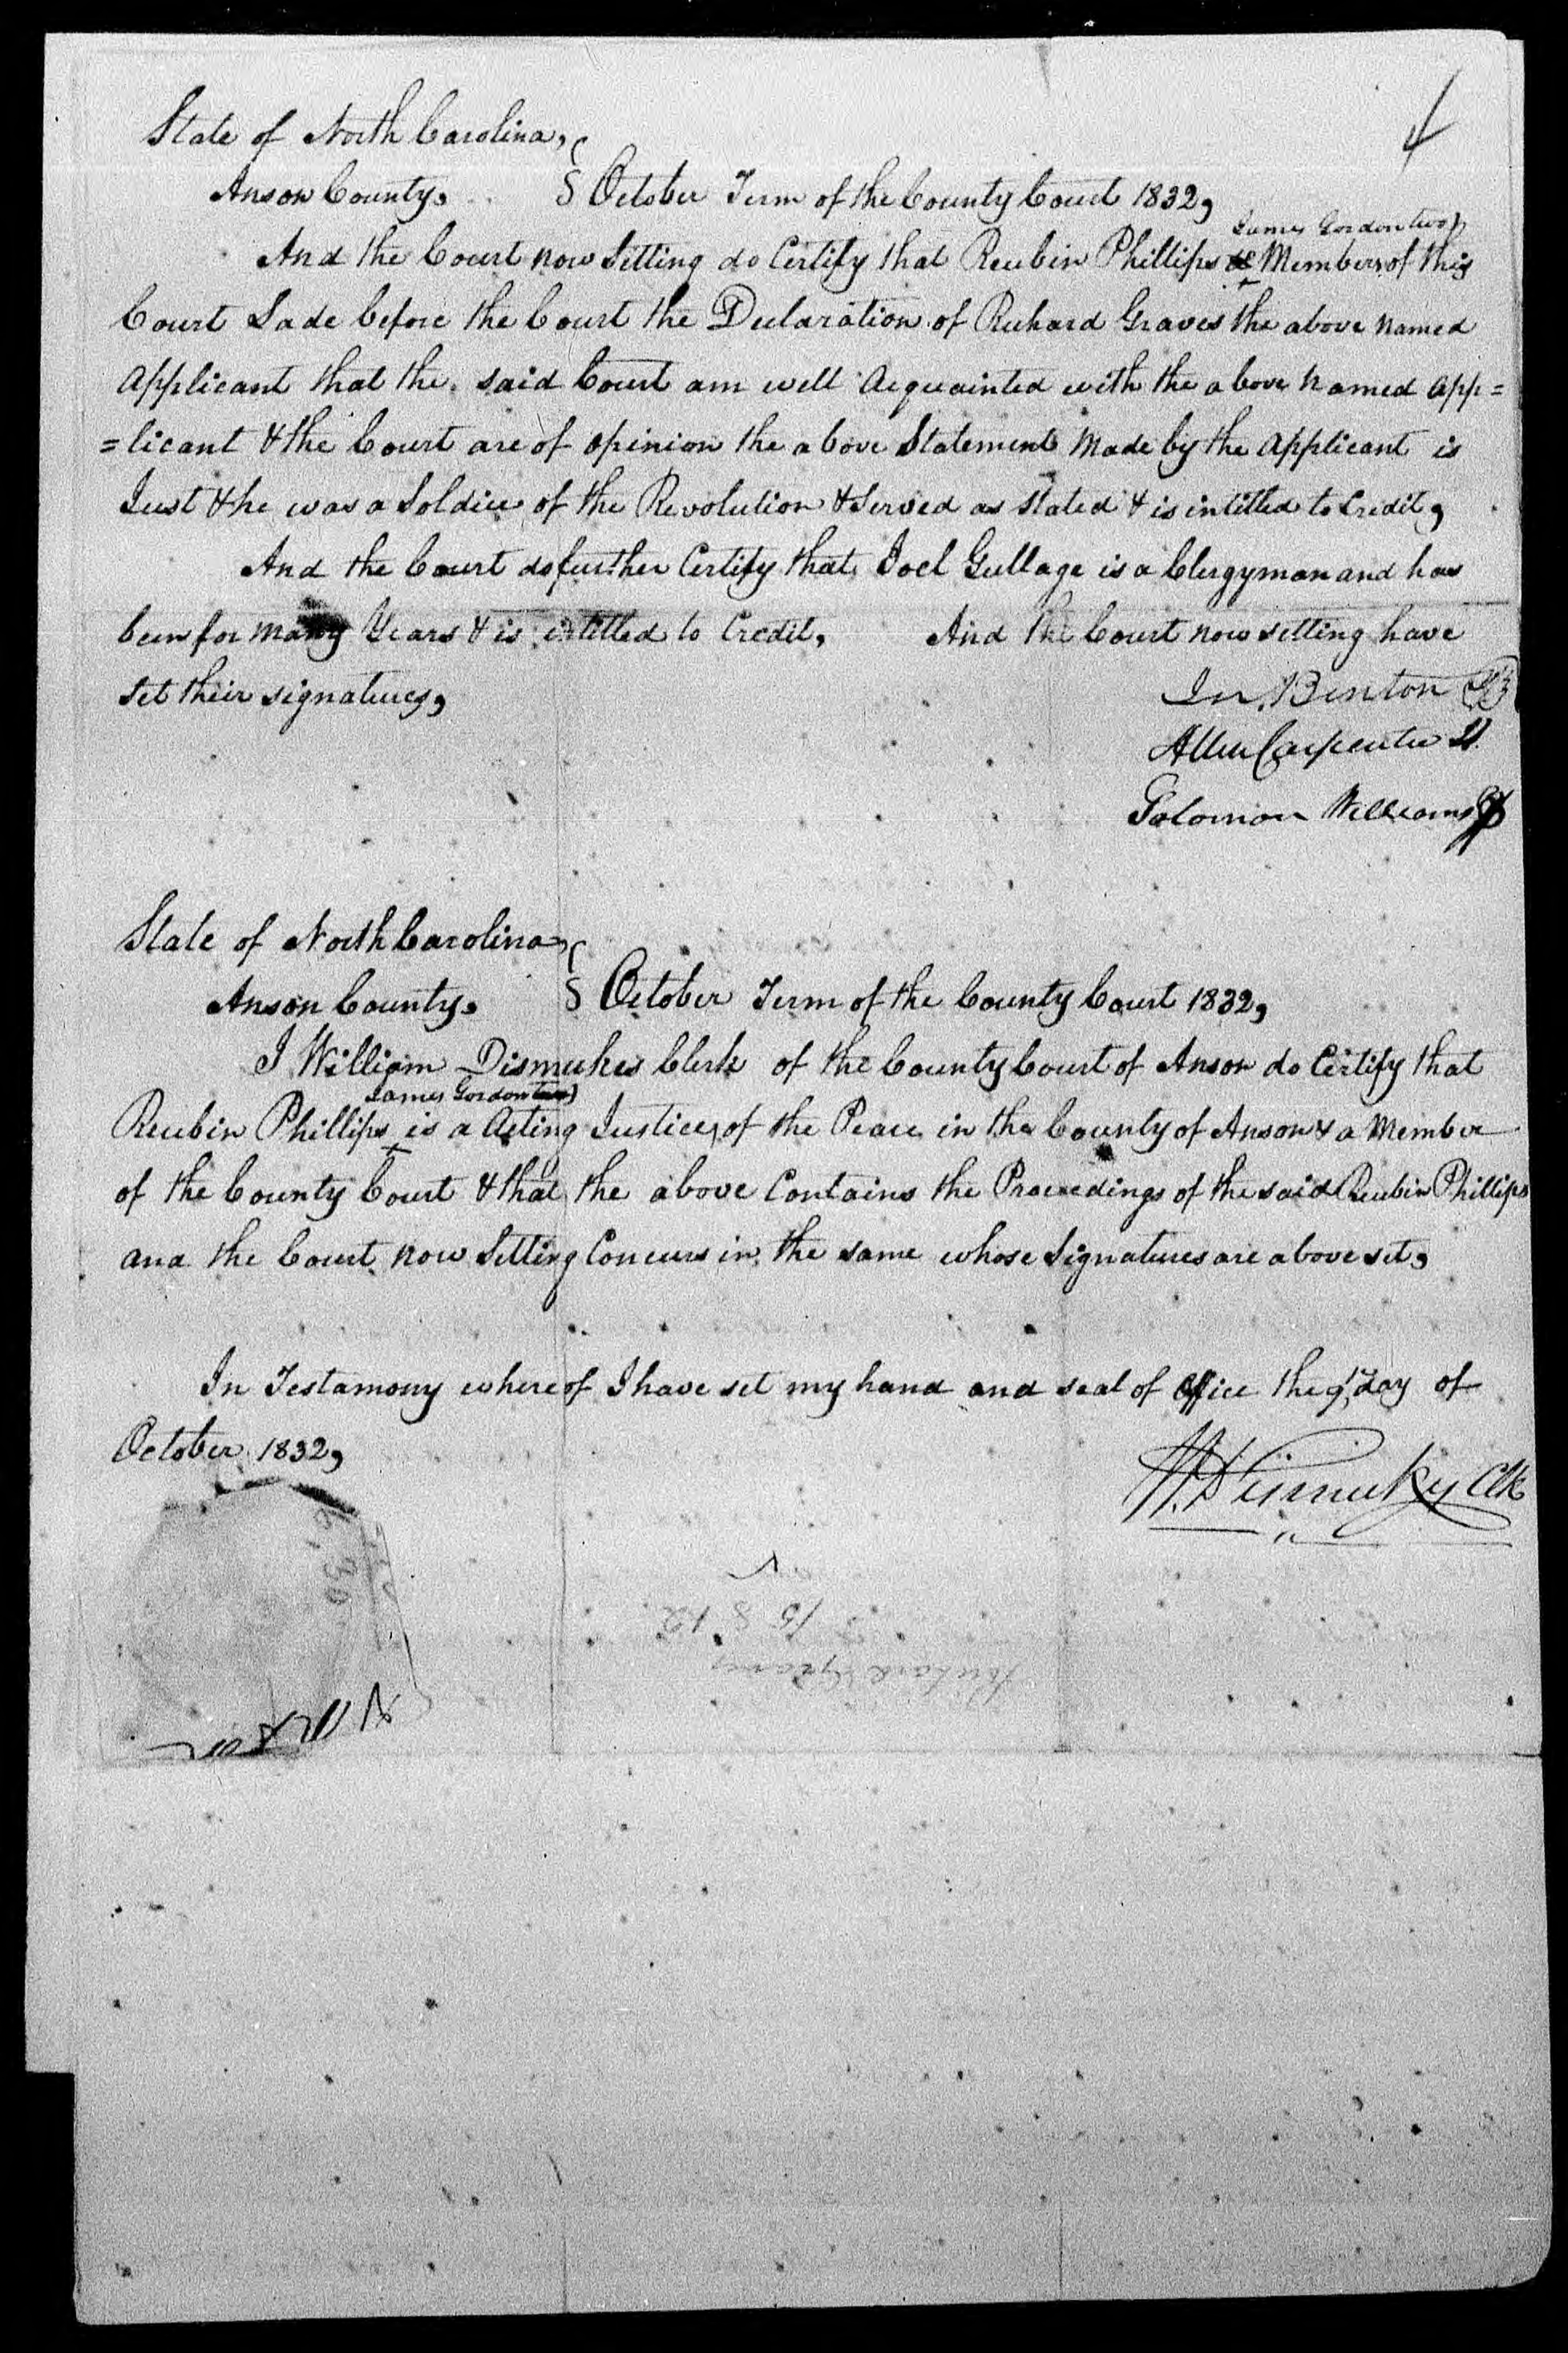State of North Carolina,
Anson County

October Term of the County Court 1832,
And the Court now sitting do certify that Reubin Phillips & members of this Court Sade before the Court the Declaration of Richard Graves the above named applicant that the said Court am well acquainted with the above named applicant & the Court are of opinion the above Statements made by the applicant is Just & he was a Soldier of the Revolution & Served as Stated & is intitled to Credit,

And the Court do further certify that Joel Gullage is a Clergyman and has been for many years & is intitled to credit.  And the Court now sitting have set their signature
Ira Benton
Allen Carpenter
Solomon Williams

State of North Carolina
Anson County

October Term of the County Court 1832,
I William Dismukes Clerk of the County Court of Anson do Certify that Reubin Phillips is a Acting Justice of the Peace in the County of Anson & a member of the County Court & that the above contains the proceedings of the said Reubin Phillips and the Court now sitting concurs inn the same whose signatures are above set,

In testimony whereof I have set my hand and seal of Office this 14 day of October 1832,
W Dismukes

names: James Gordon, James Gordon, W Dismukes, Joel Gullage, Reubin Phillips, Reubin Phillips, Richard Graves, Ira Benton, Allen Carpenter, Solomon Williams, William Dismukes, Richard Graves, Reubin Phillips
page: 7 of 15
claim: survivor's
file: S. 8598, Richard Graves, S.C.